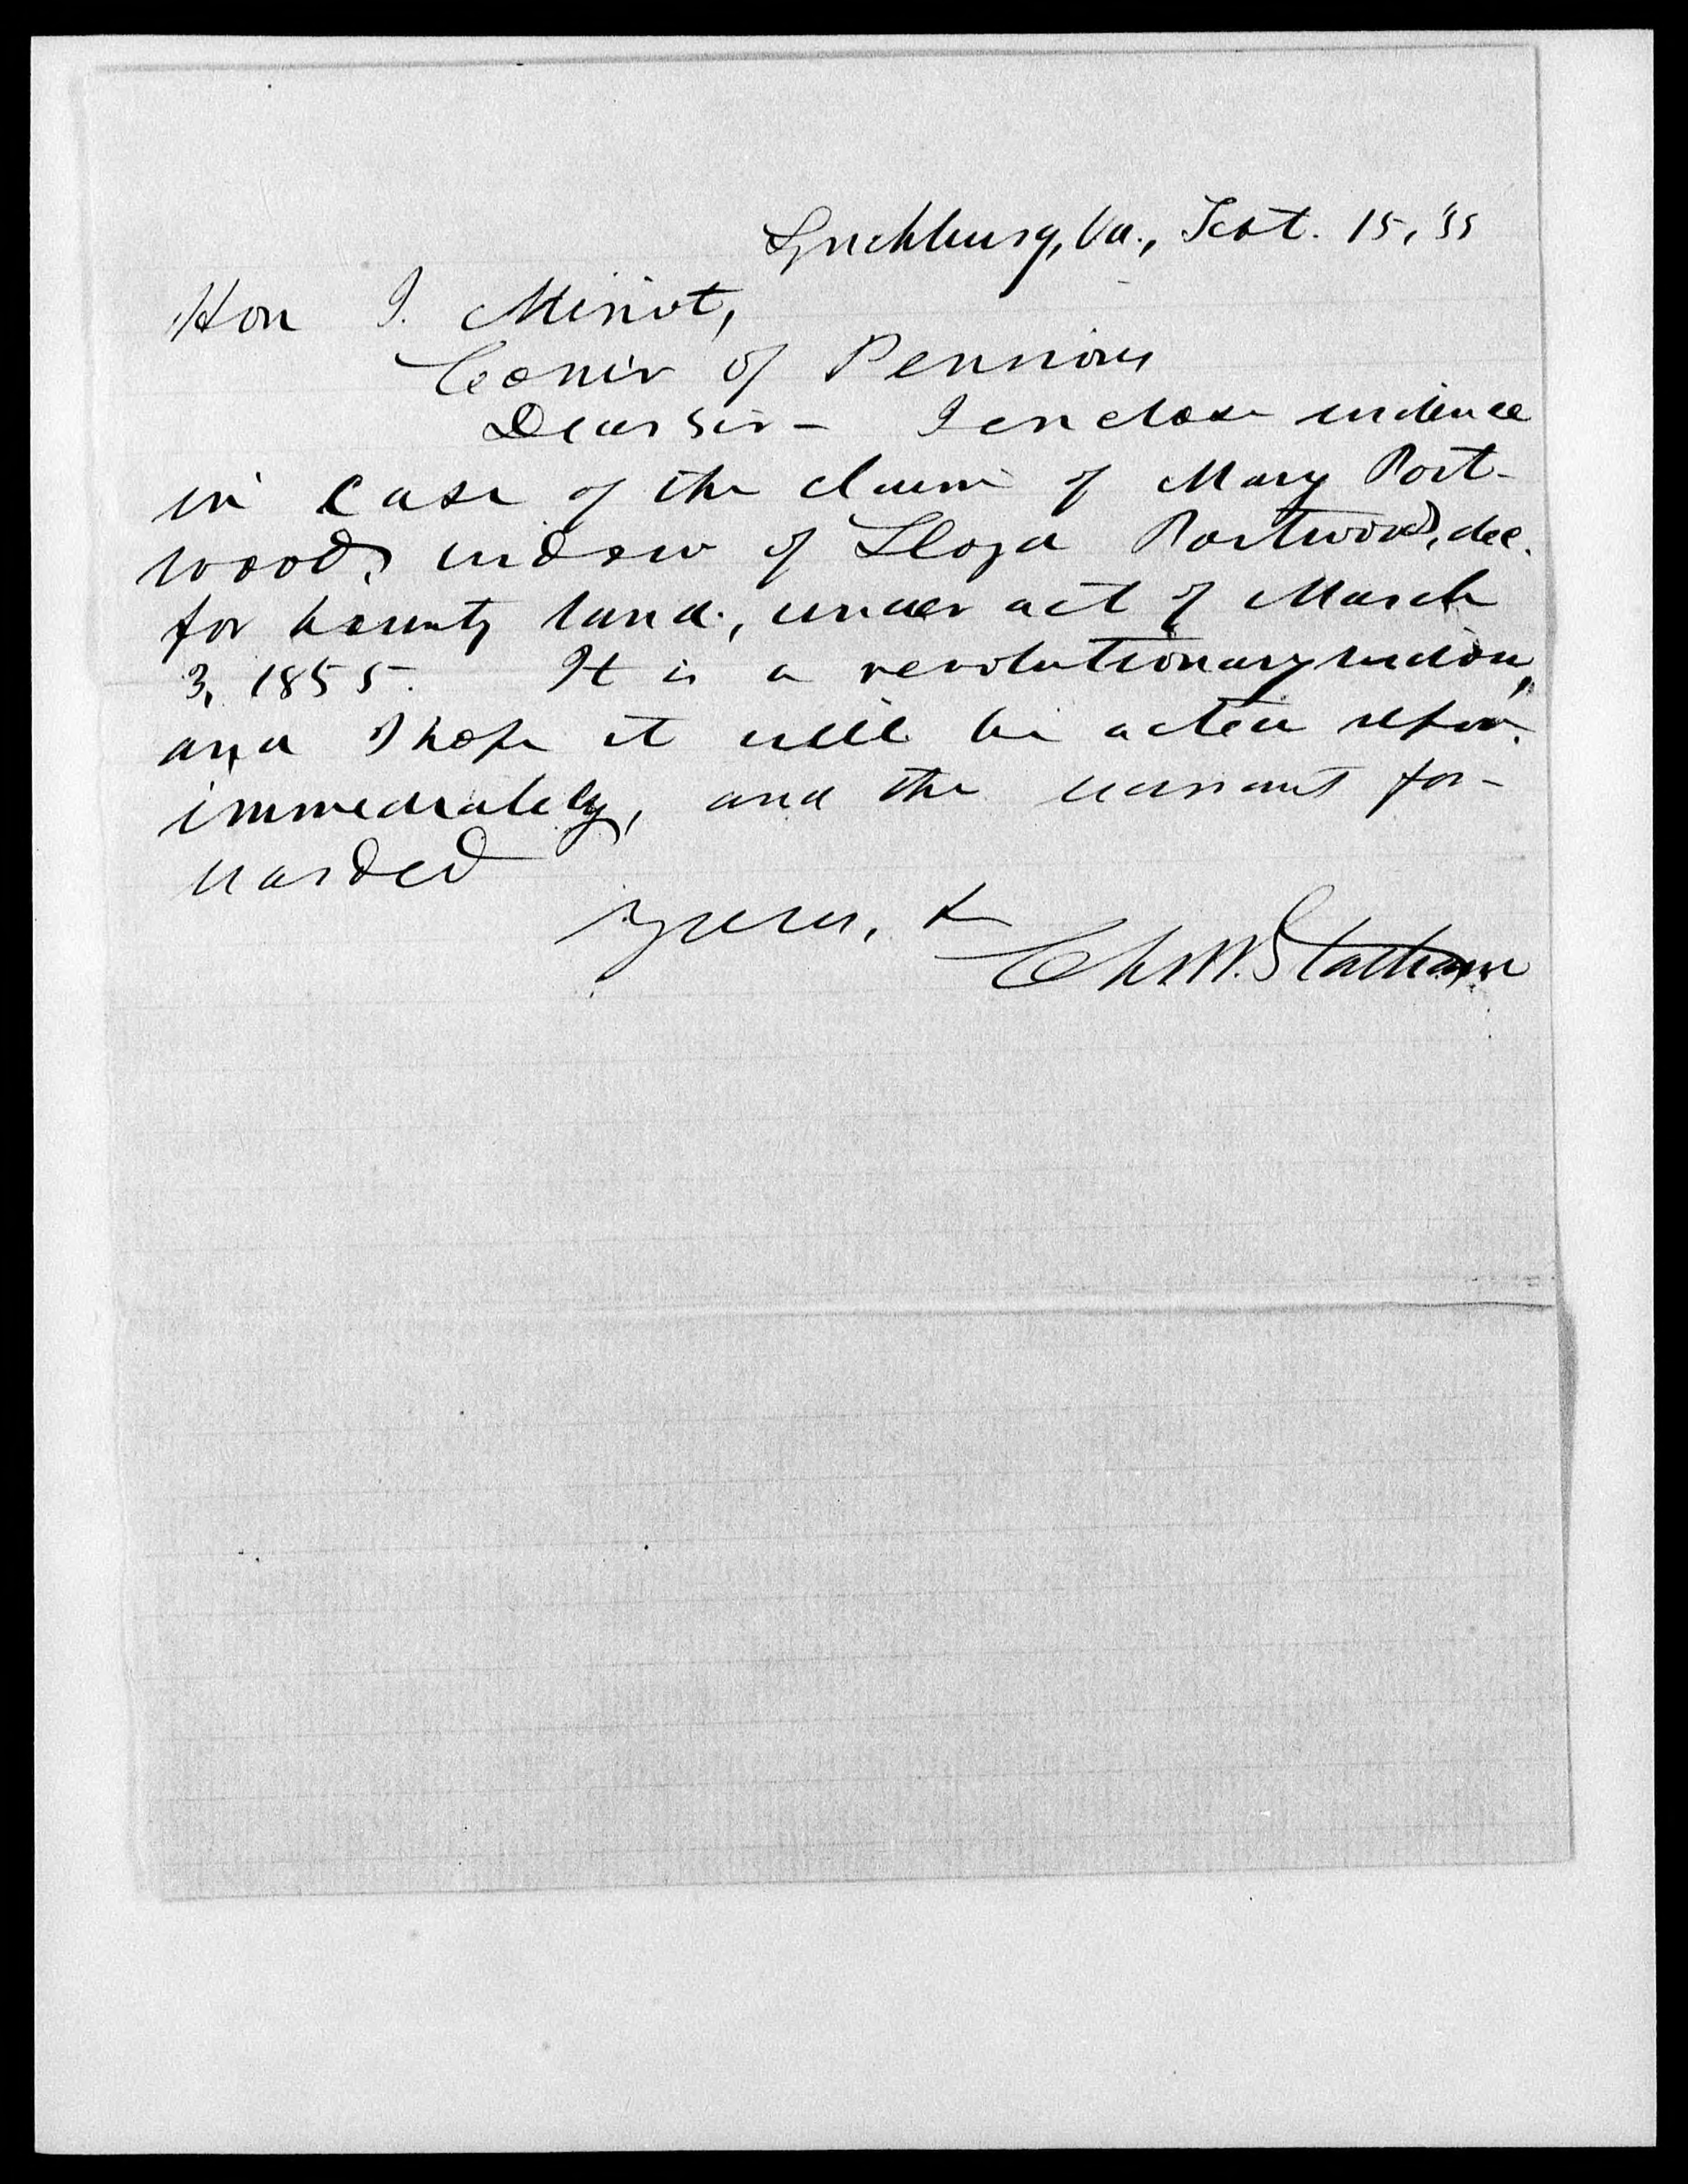Lynchburg, Va., Sept. 15, '55
Hon J. Minot,
Com'r of Pensions
Dear Sir -- I enclose evidence
in case of the claim of Mary Portwood,
widow of Lloyd Portwood dec.
for bounty land, under act of March
3, 1855. It is a revolutionary widow
and I hope it will be acted upon
immediately, and the warrant forwarded
Yours, &
Chs W. Statham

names: Chs W Statham; Lloyd Portwood; J Minot; Mary Portwood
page: 23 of 50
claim: widow's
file: W. 1929, for Lloyd Portwood, Virginia